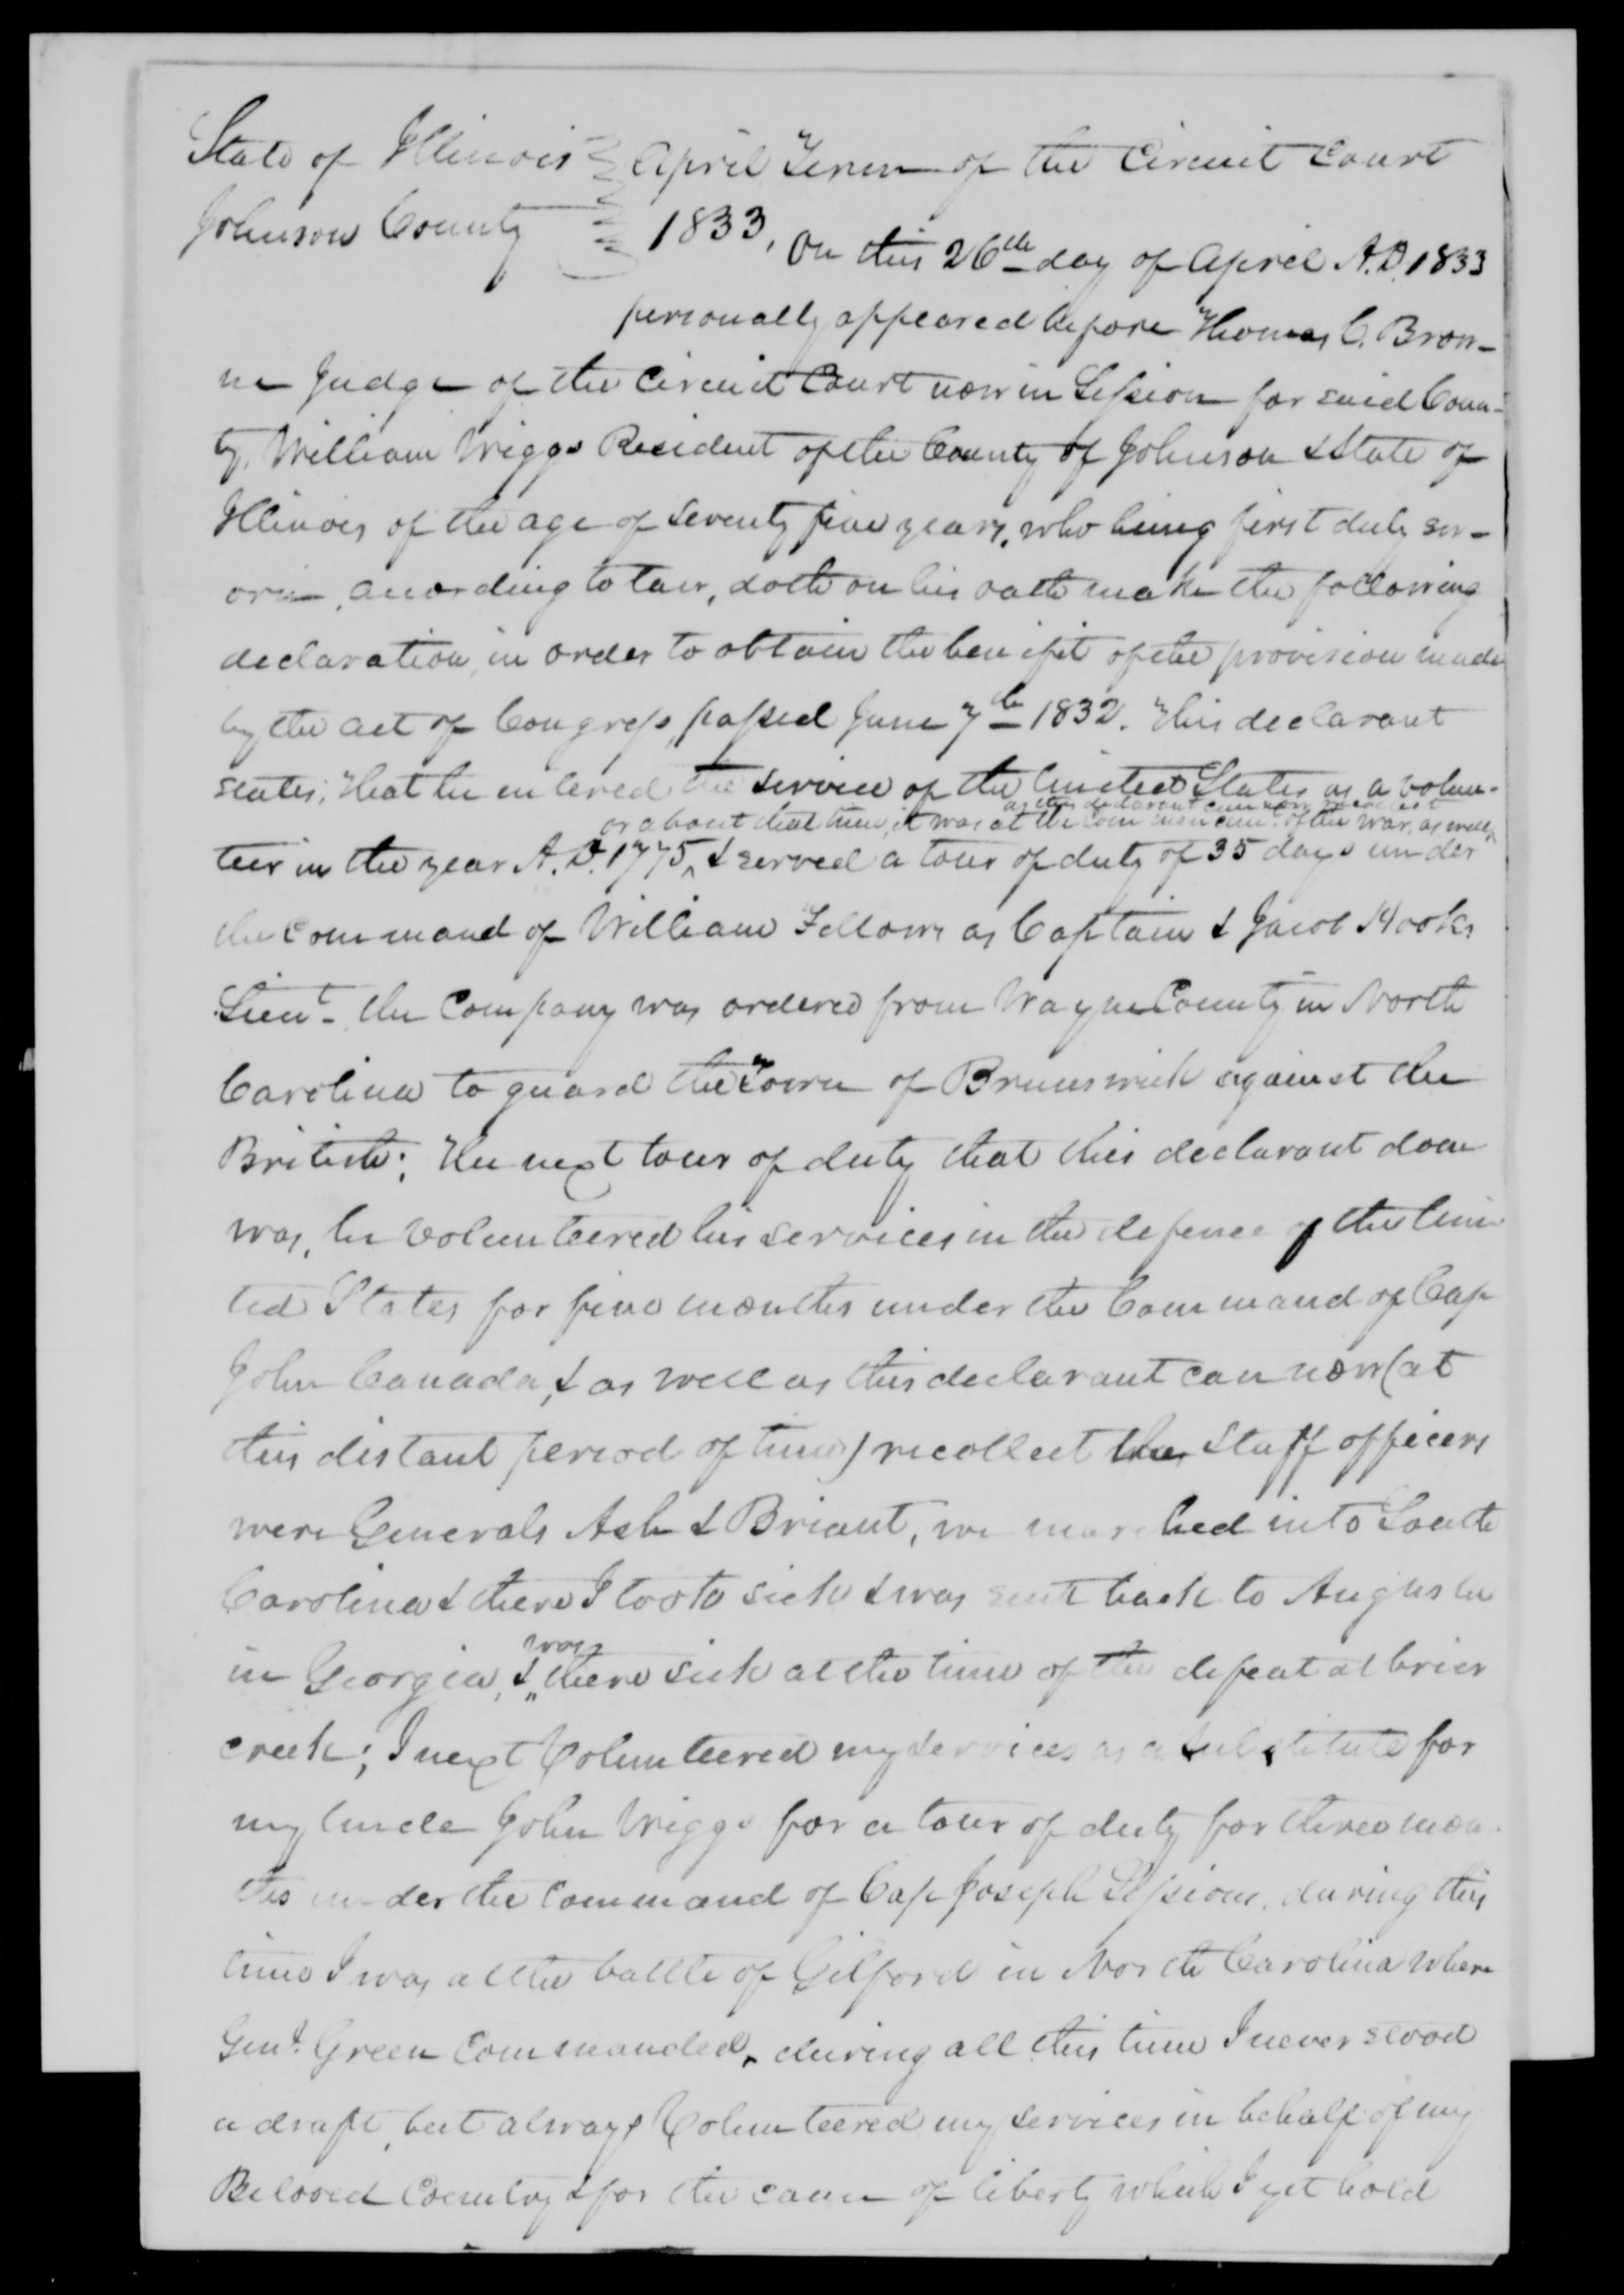State of Illinois                      April Term of the Circuit Court
Johnson County                            1833, 
              on this 26th day of April A.D. 1833 
personally appeared before Thomas C. Browne Judge of the Circuit Court now in Session for said County
William Briggs Resident of the County of Johnson & State of Illinois of the age of Seventy five years, who being first duly sworn according to law, doth on his oath make the following declaration in order to obtain the benefit of the provision made by the act of Congress passed June 7th 1832. This declarant
States, that he entered the service of the United States as a volunteer in the year A.D. 1775 or about that time, it was at the commencement of the war as well as the declarant can now recollect, I served a tour of duty of 35 days under the command of William Fellows as Captain & Jacob Hooks Lieut. - the company was ordered from Wayne County in North Carolina to guard the Town of Brunswick against the
British. The next tour of duty that this declarant done was, he volunteered his services in the defence of the United States for five months under the command of Cap John Canada as well as this declarant can now  (at this distant period of time) recollect the staff officers were Generals Ash & Briant, we marched into South Carolina & there I took sick & was sent back to Augusta in Georgia, I was there sick at the time of the defeat at Brier creek; I next volunteered my services as a substitute for my Uncle John Griggs for a tour of duty for three months under the command of Cap Joseph Sessions during this
time I was at the battle of Gilford in North Carolina where Genl Green commanded, during all this time I never stood a draft, but always volunteered my service in behalf of my Beloved country for the cause of liberty which I yet hold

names: Briant, Ash, Jacob Hooks, William Wiggs, John Canada, William Fellows, Joseph Sessions, Green, Thomas C Browne, John Wiggs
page: 8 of 31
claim: survivor's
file: S. 32608, William Wiggs, N.C.